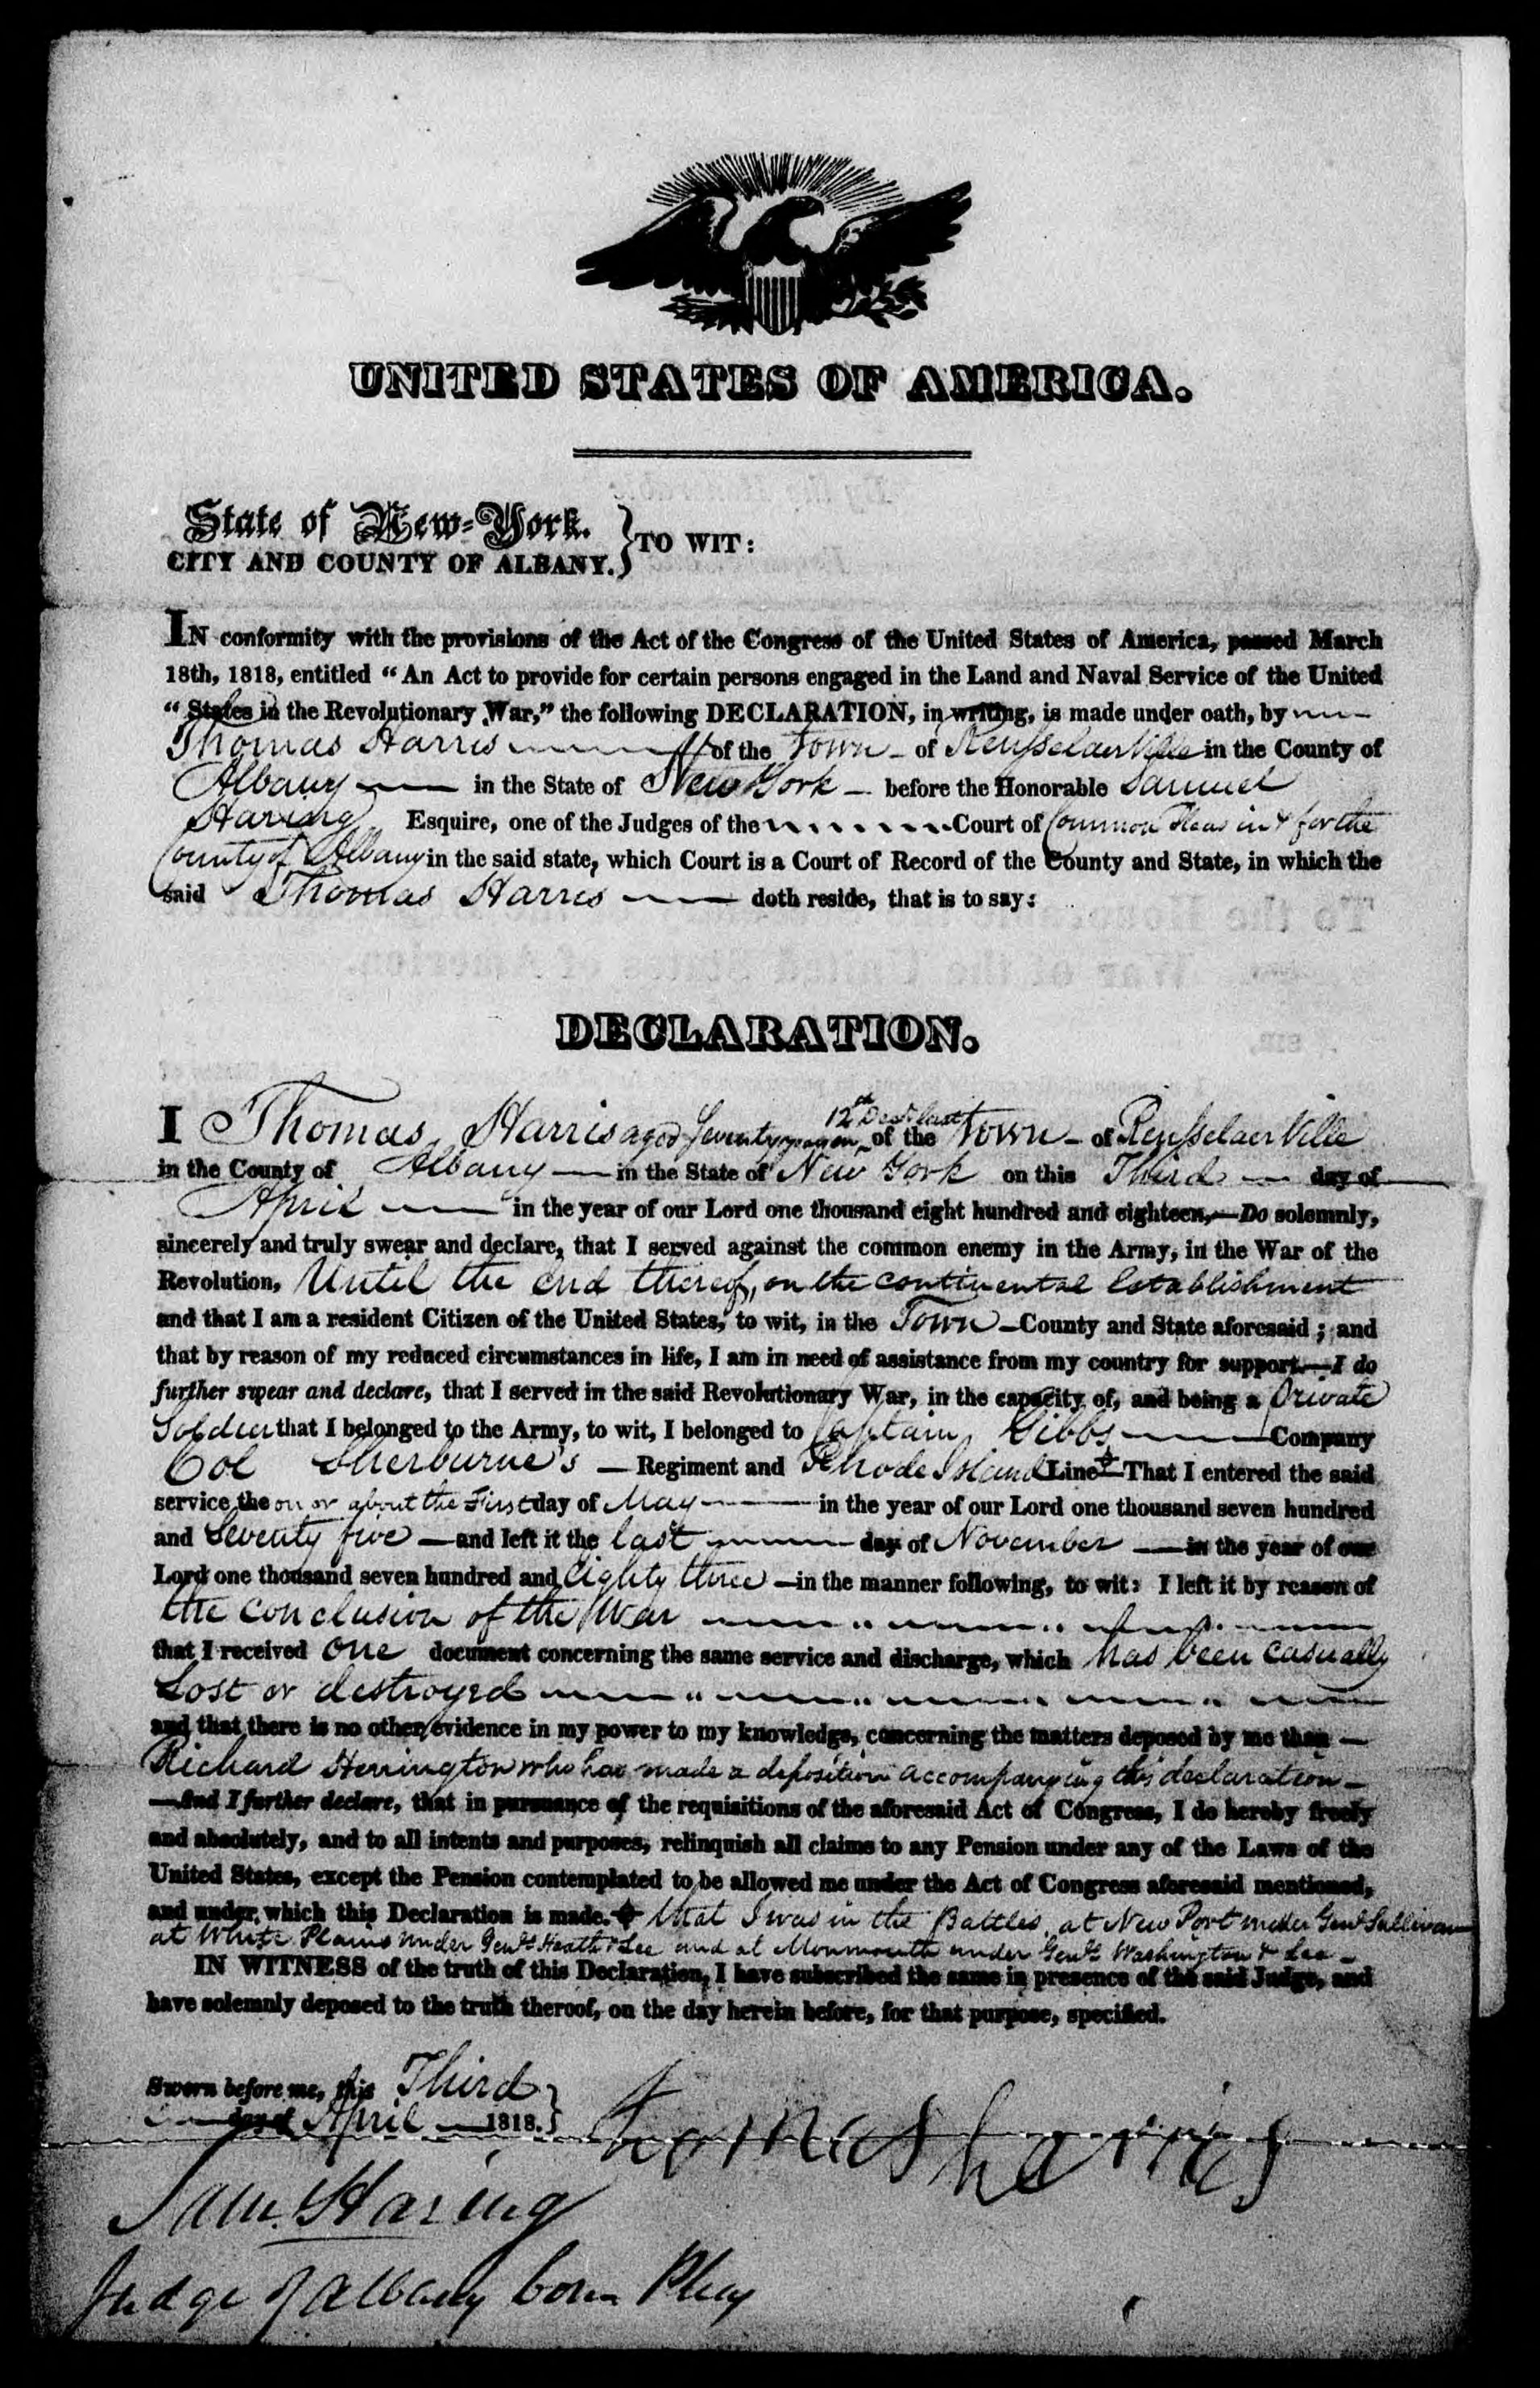UNITED STATES OF AMERICA.

State of New-York
CITY AND COUNTY OF ALBANY. TO WIT:
In conformity with the provisions of the Act of the Congress of the United States of America, passed March 18th, 1818, entitled "An Act to provide for certain persons engaged in the Land and Naval Service of the United States in the Revolutionary War," the following DECLARATION, in writing, is made under oath, by [Thomas Harris] of the Town of Rensselaerville in the County of [Albany] in the State of [New York] before the Honorable [Samuel Haring] Esquire, one of the Judges of the Court of Common Pleas in + for the County of Albany] in the said state, which Court is a Court of Record of the County and State, in which the said Thomas Harris doth reside, that is to say:

DECLARATION.

I Thomas Harris aged Seventy years on 12th Decb last of the [Town] of [Rensselaerville] in the County of [Albany] in the [State of New York] on this [Third] day [April] in the year of our Lord one thousand eight hundred and eighteen - Do solemnly, sincerely and truly swear and declare, that I served against the common enemy in the Army, in the War of the Revolution, [Until the End thereof, in the continental Establishment]and that I am a resident Citizen of the United States, to wit, in the [Town] - County and State aforesaid ; and that by reason of my reduced circumstances in life, I am in need of assistance from my country for support. I do further swear and declare, that I served in the said Revolutionary War, in the capacity of, and being a [private soldier] that I belonged to the Army, to wit, I belonged to [Captain Gibbs] Company [Col Sherburne's] Regiment and [Rhode Island] Line - That I entered the said service [on or about the first] day of [May] in the year of our Lord one thousand seven hundred and [Seventy five] - and left it the [last] day of [Novembe]r in the year of our Lord one thousand seven hundred and [Eighty three] - in the manner following, to wit; I left it by reason of the [conclusion of the War] that i received [one] document concerning the same service and discharge, which [has been casually lost of destroyed] and that there is no other evidence in my power to my knowledge, concerning the matters deposed by me then [Richard Harrington who has made a deposition accompanying this declaration] and I further declare, that in pursuance of the requisitions of the aforesaid Act of Congress, I do herby freely and absolutely, and to all intents and purposes, relinquish all claims to any Pension under say of the Laws of the United States, except the Pensions contemplated to be allowed me under the Act of Congress aforesaid mentioned, and under, which this Declaration is made [that I was in the Battles at Newport under Gen Sullivan, at White Plains under Gen. Heath & Lee and at Monmouth under Gen Washington & Lee. 
IN WITNESS of the truth of this declaration, I have subscribed to the same in presence of the said Judge, and have solemnly deposed to the truth thereof, on the day herein before, for that purpose, specified. 
Sworn before me, this Third day of April, 1818
Thomas Harris, 
Sam Haring, Judge of Albany Com Pleas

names: Lee, Samuel Haring, Washington, Thomas Harris, Heath, Thomas Harris, Thomas Harris, Richard Herrington, Saml Haring, Sullivan, Lee, Thomas Harris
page: 5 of 16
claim: survivor's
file: S. 38815, Thomas Harris, R.I.